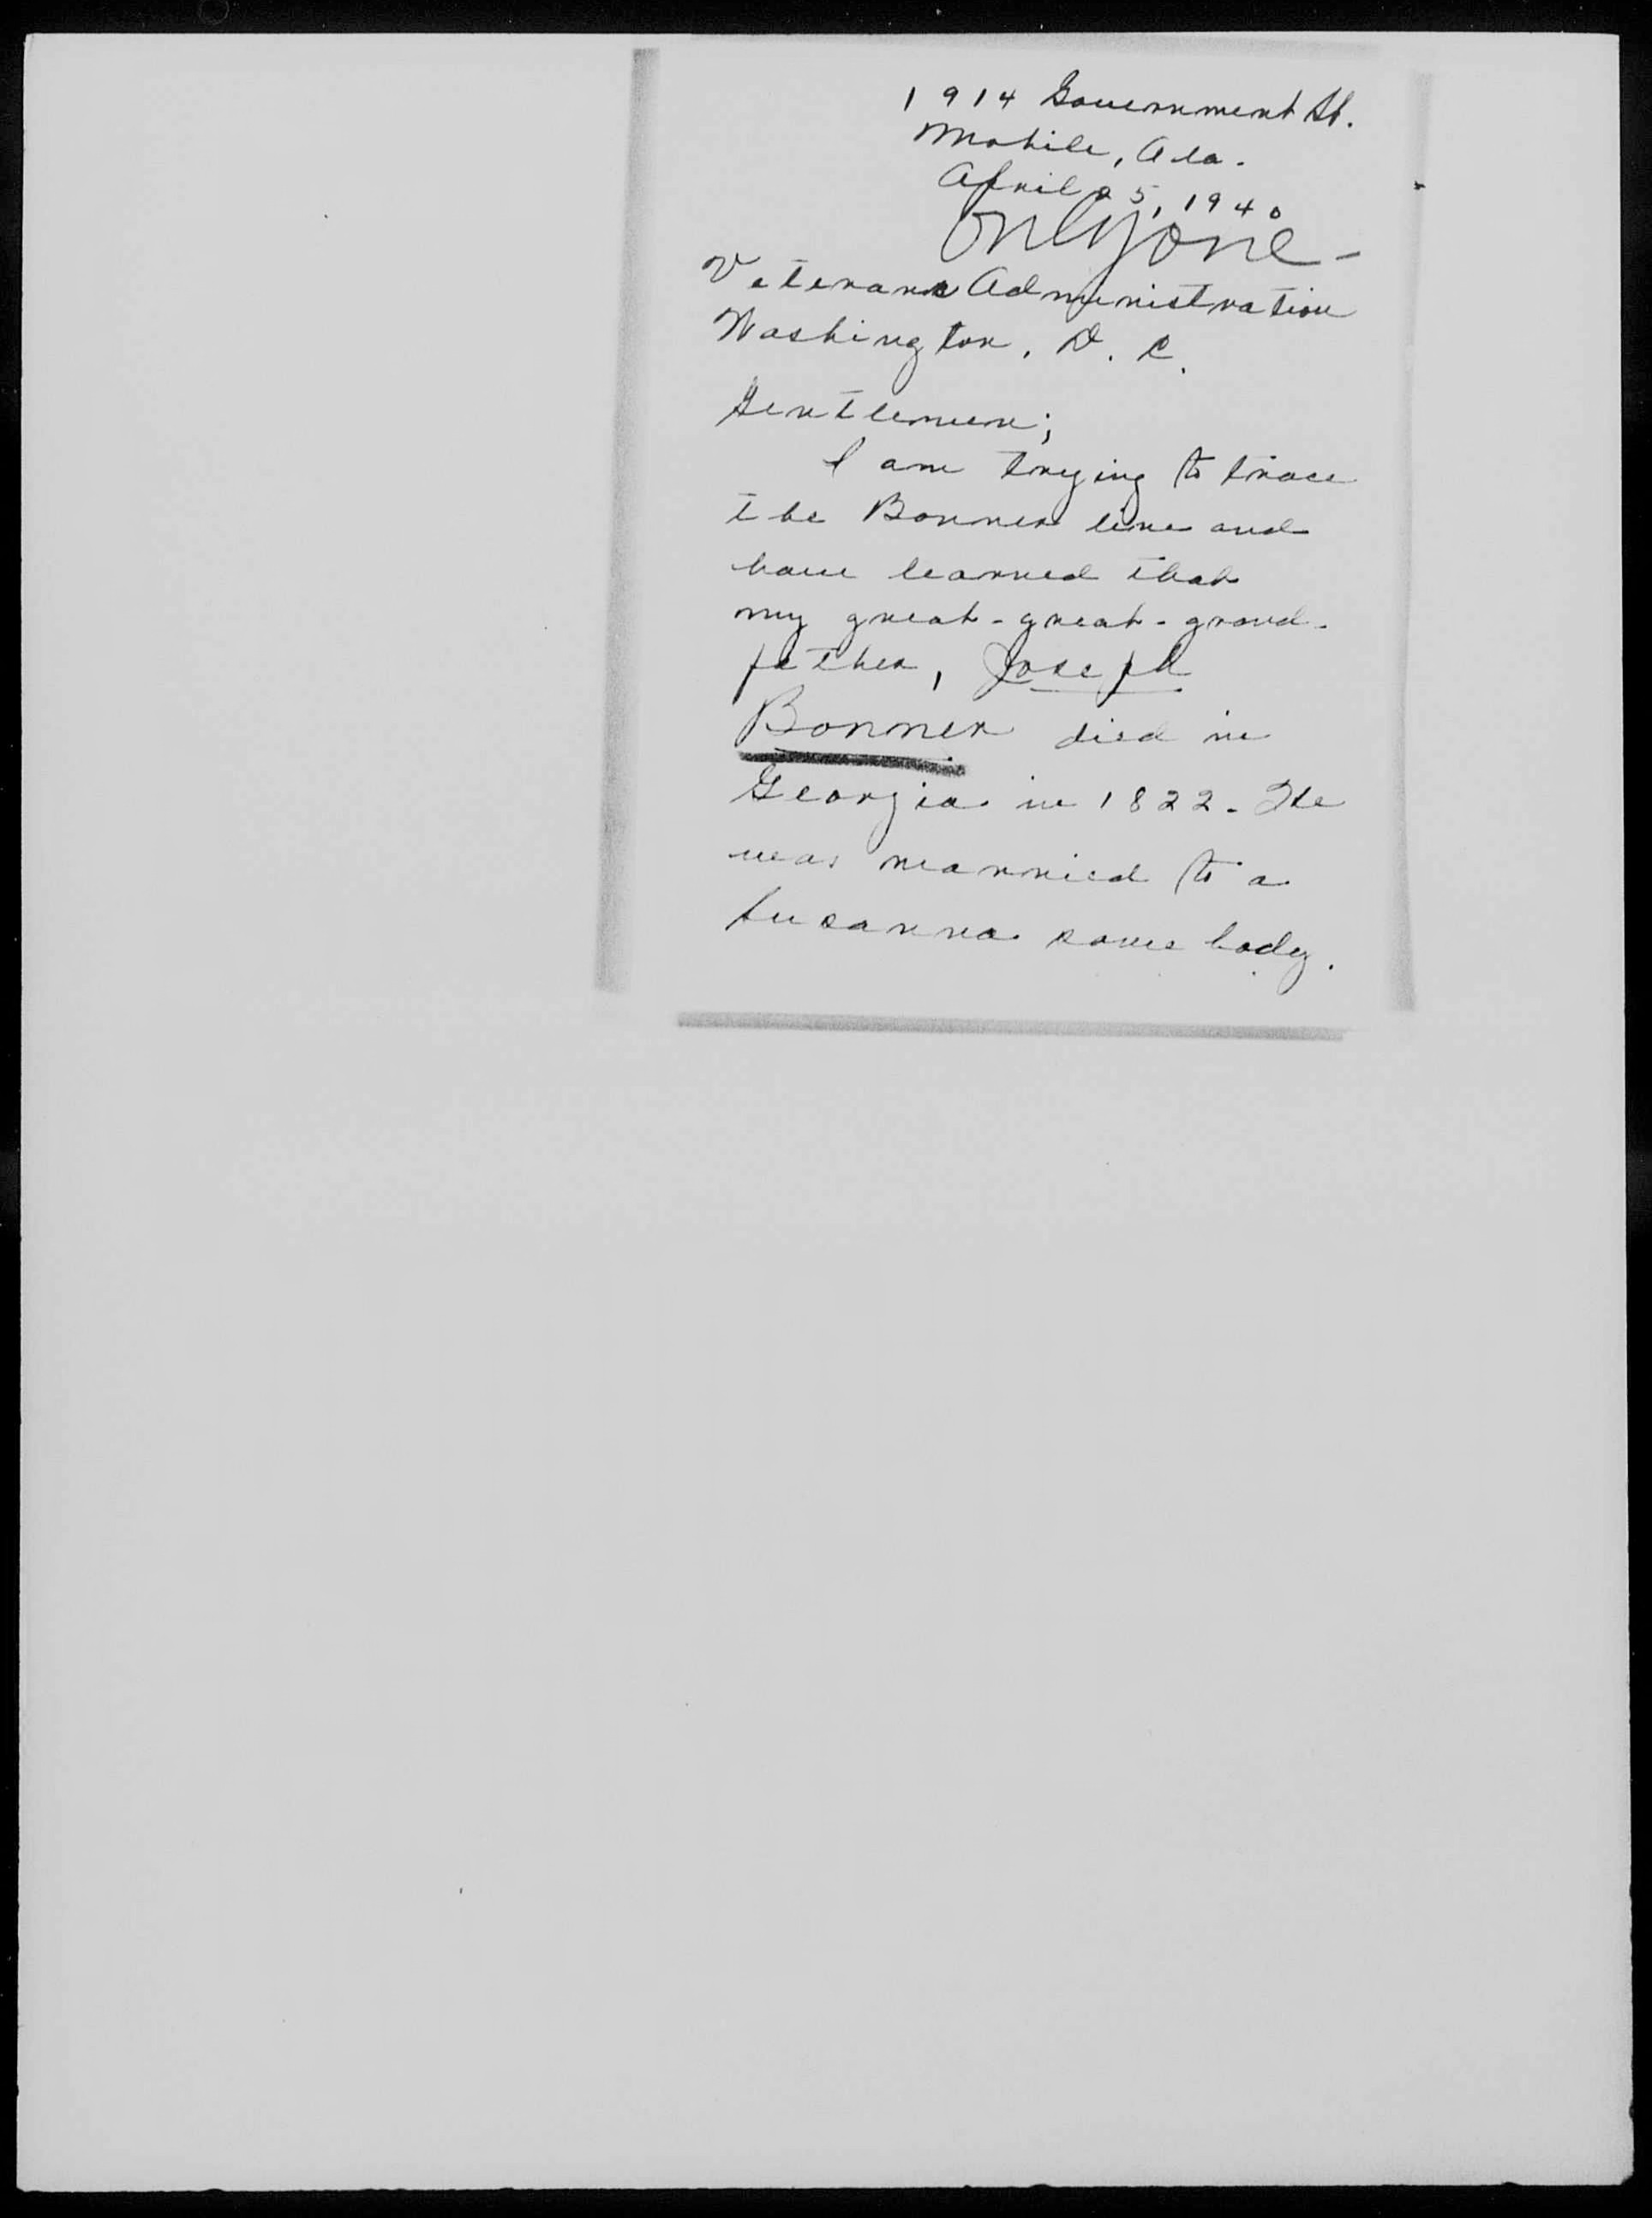1914 Government St.
Mobile, Ala.
April 25, 1940
only one

Veterans Administration
Washington, D. C.

Gentlemen;
I am trying to trace the Bonner line and have learned that my great-great-grand-father, Joseph Bonner died in Georgia in 1822-He was married to a Susanna same lady.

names: Bonner, Joseph Bonner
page: 12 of 20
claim: survivor's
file: S. 40,021, Joseph Bonner, Penn.